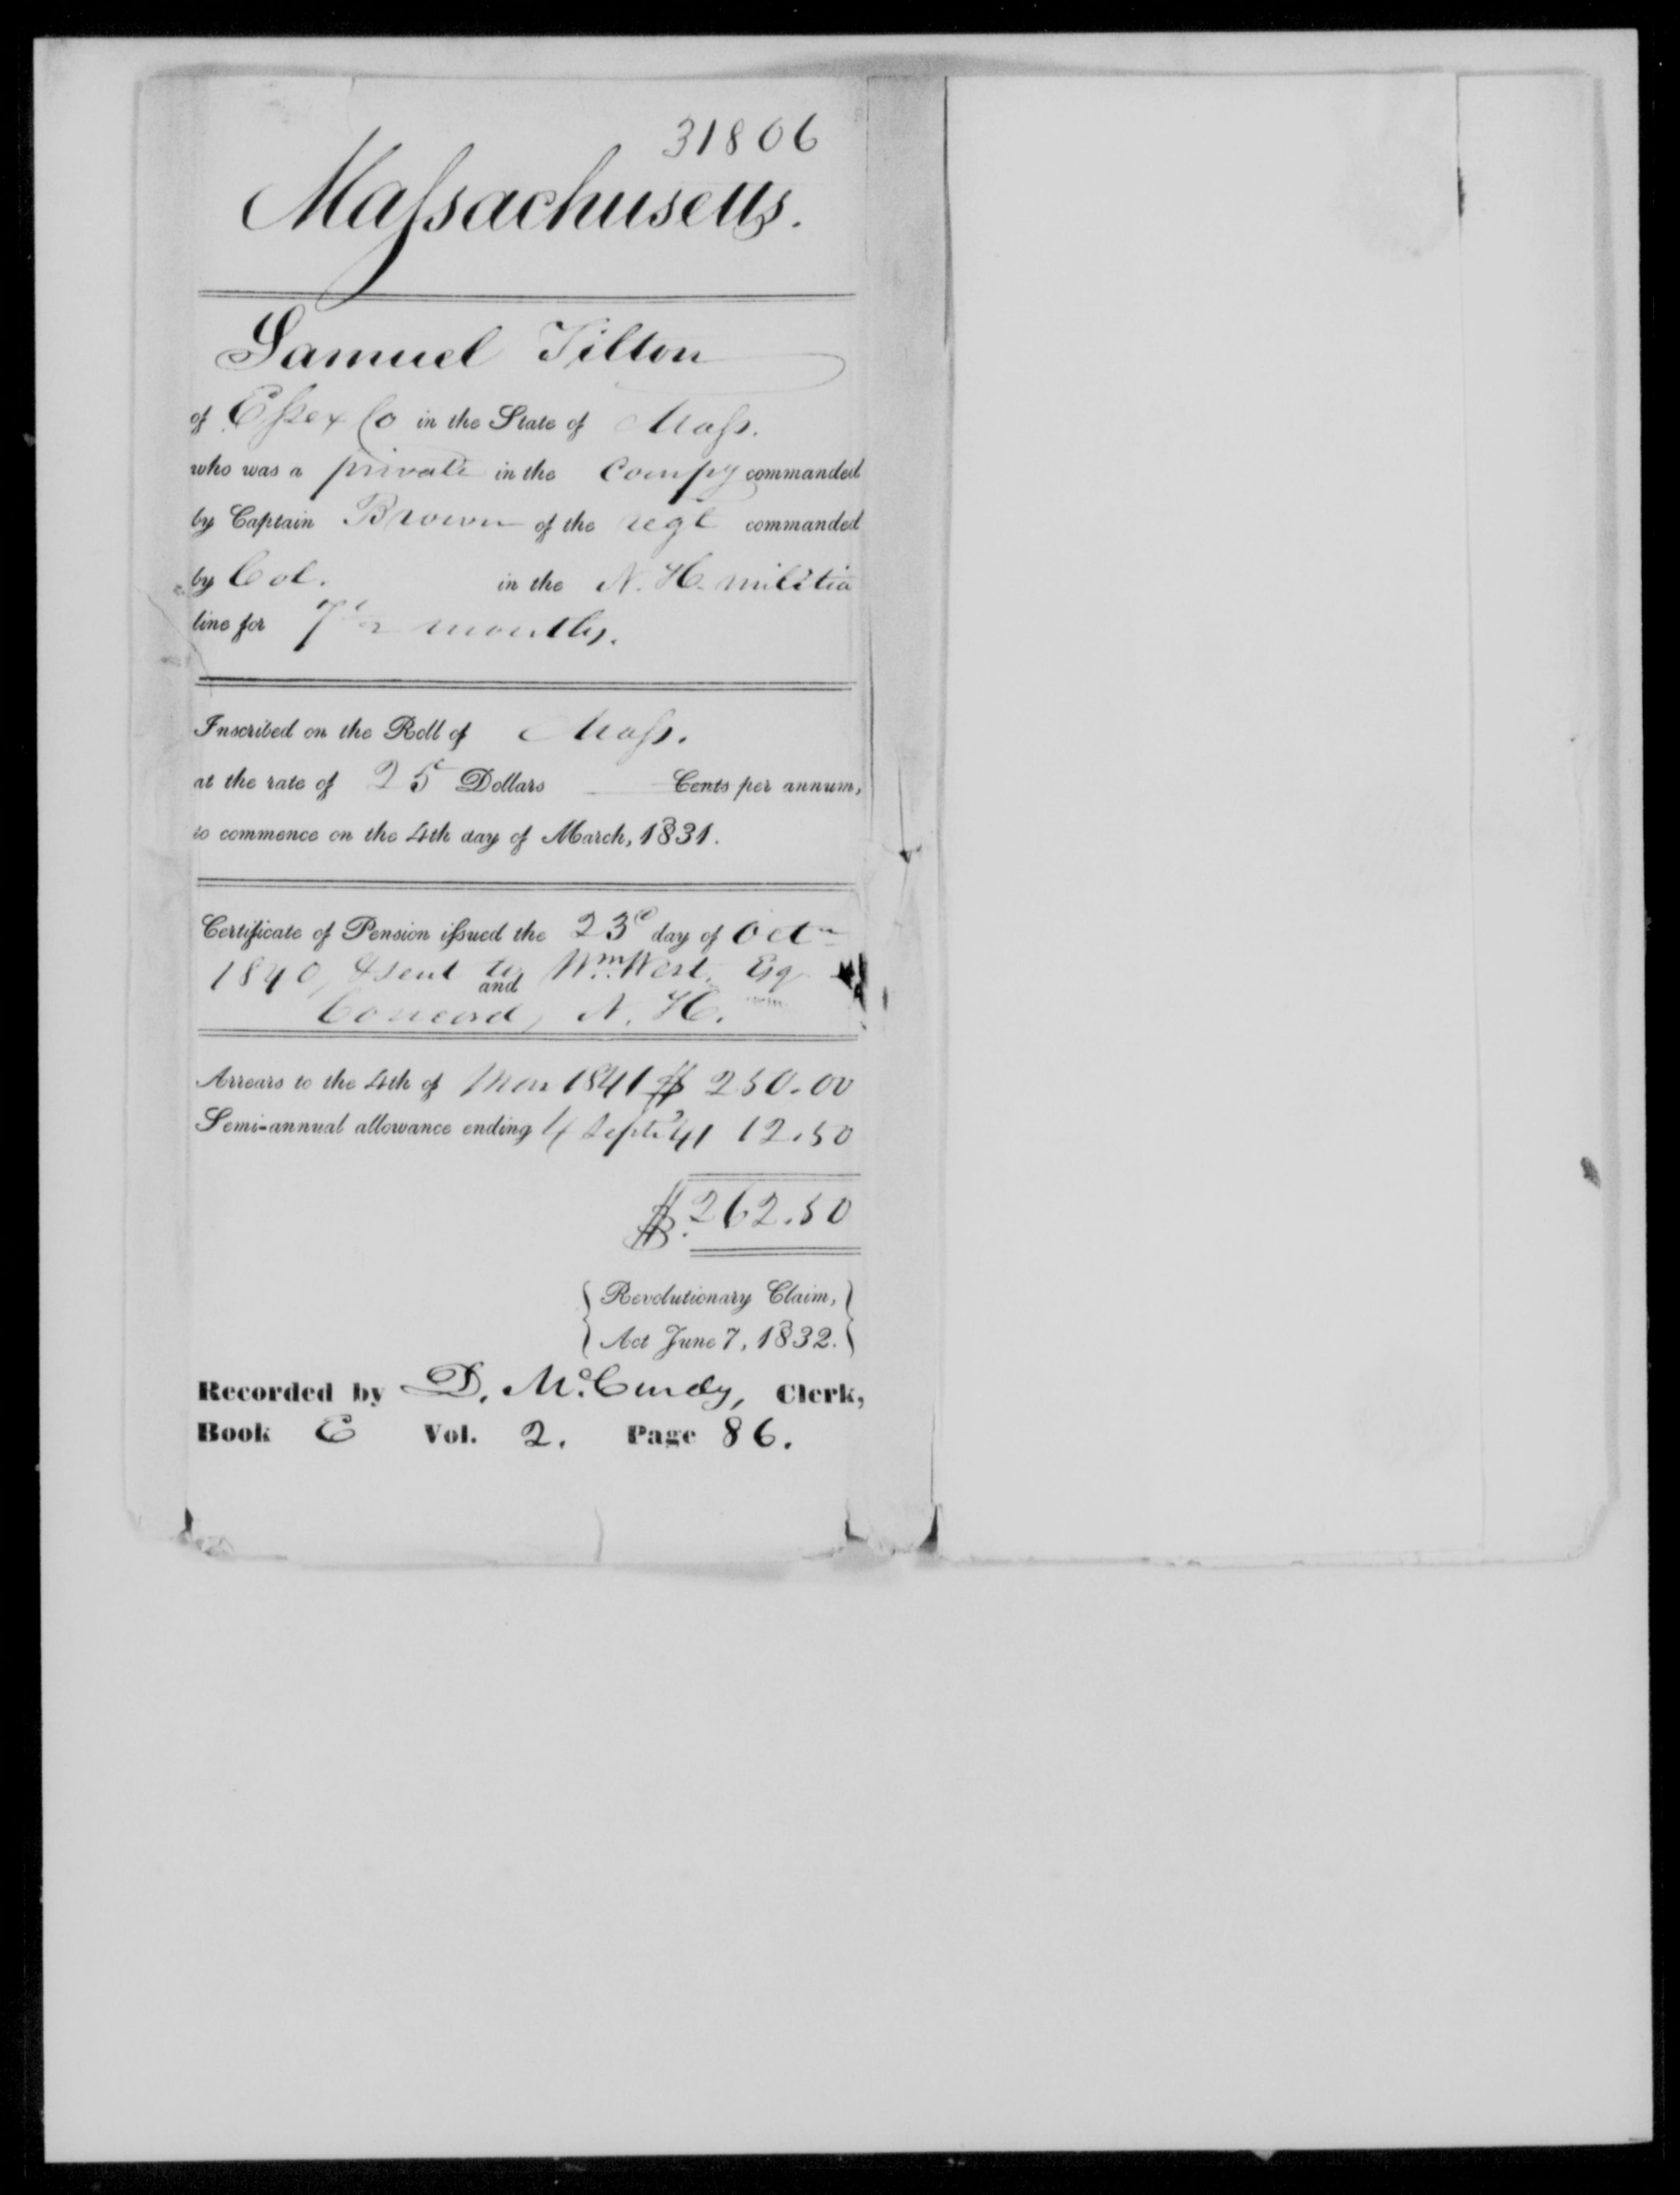31806
Massachusetts
Samuel Tilton of Essex Co in the state of Mass. who was a private in the company commanded by Captain Brown of the Regt. commanded by Col. [blank] in the N. H. militia line for 7 1/2 months.
Inscribes on the Roll of Mass. at the rate of 25 dollars [blank] cents per annum, to commence on the 4th day of March, 1831. 
Certificate of Pension issues the 23rd day of Oct. 1840, and sent and to Wm West Esq
Concord, N.H.

Arrears to the 4th of Mar 1841 $250.00
Semi-annual allowance ending 4 Sept [18]41 12.50
[Total] $262.50
Revolutionary Claim, Act June 7, 1832.
Recorded by D. McCurdy, Clerk,
Book E Vol 2 Page 86.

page: 2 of 55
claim: widow's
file: W. 14,021, for Samuel Tilton, New Hampshire